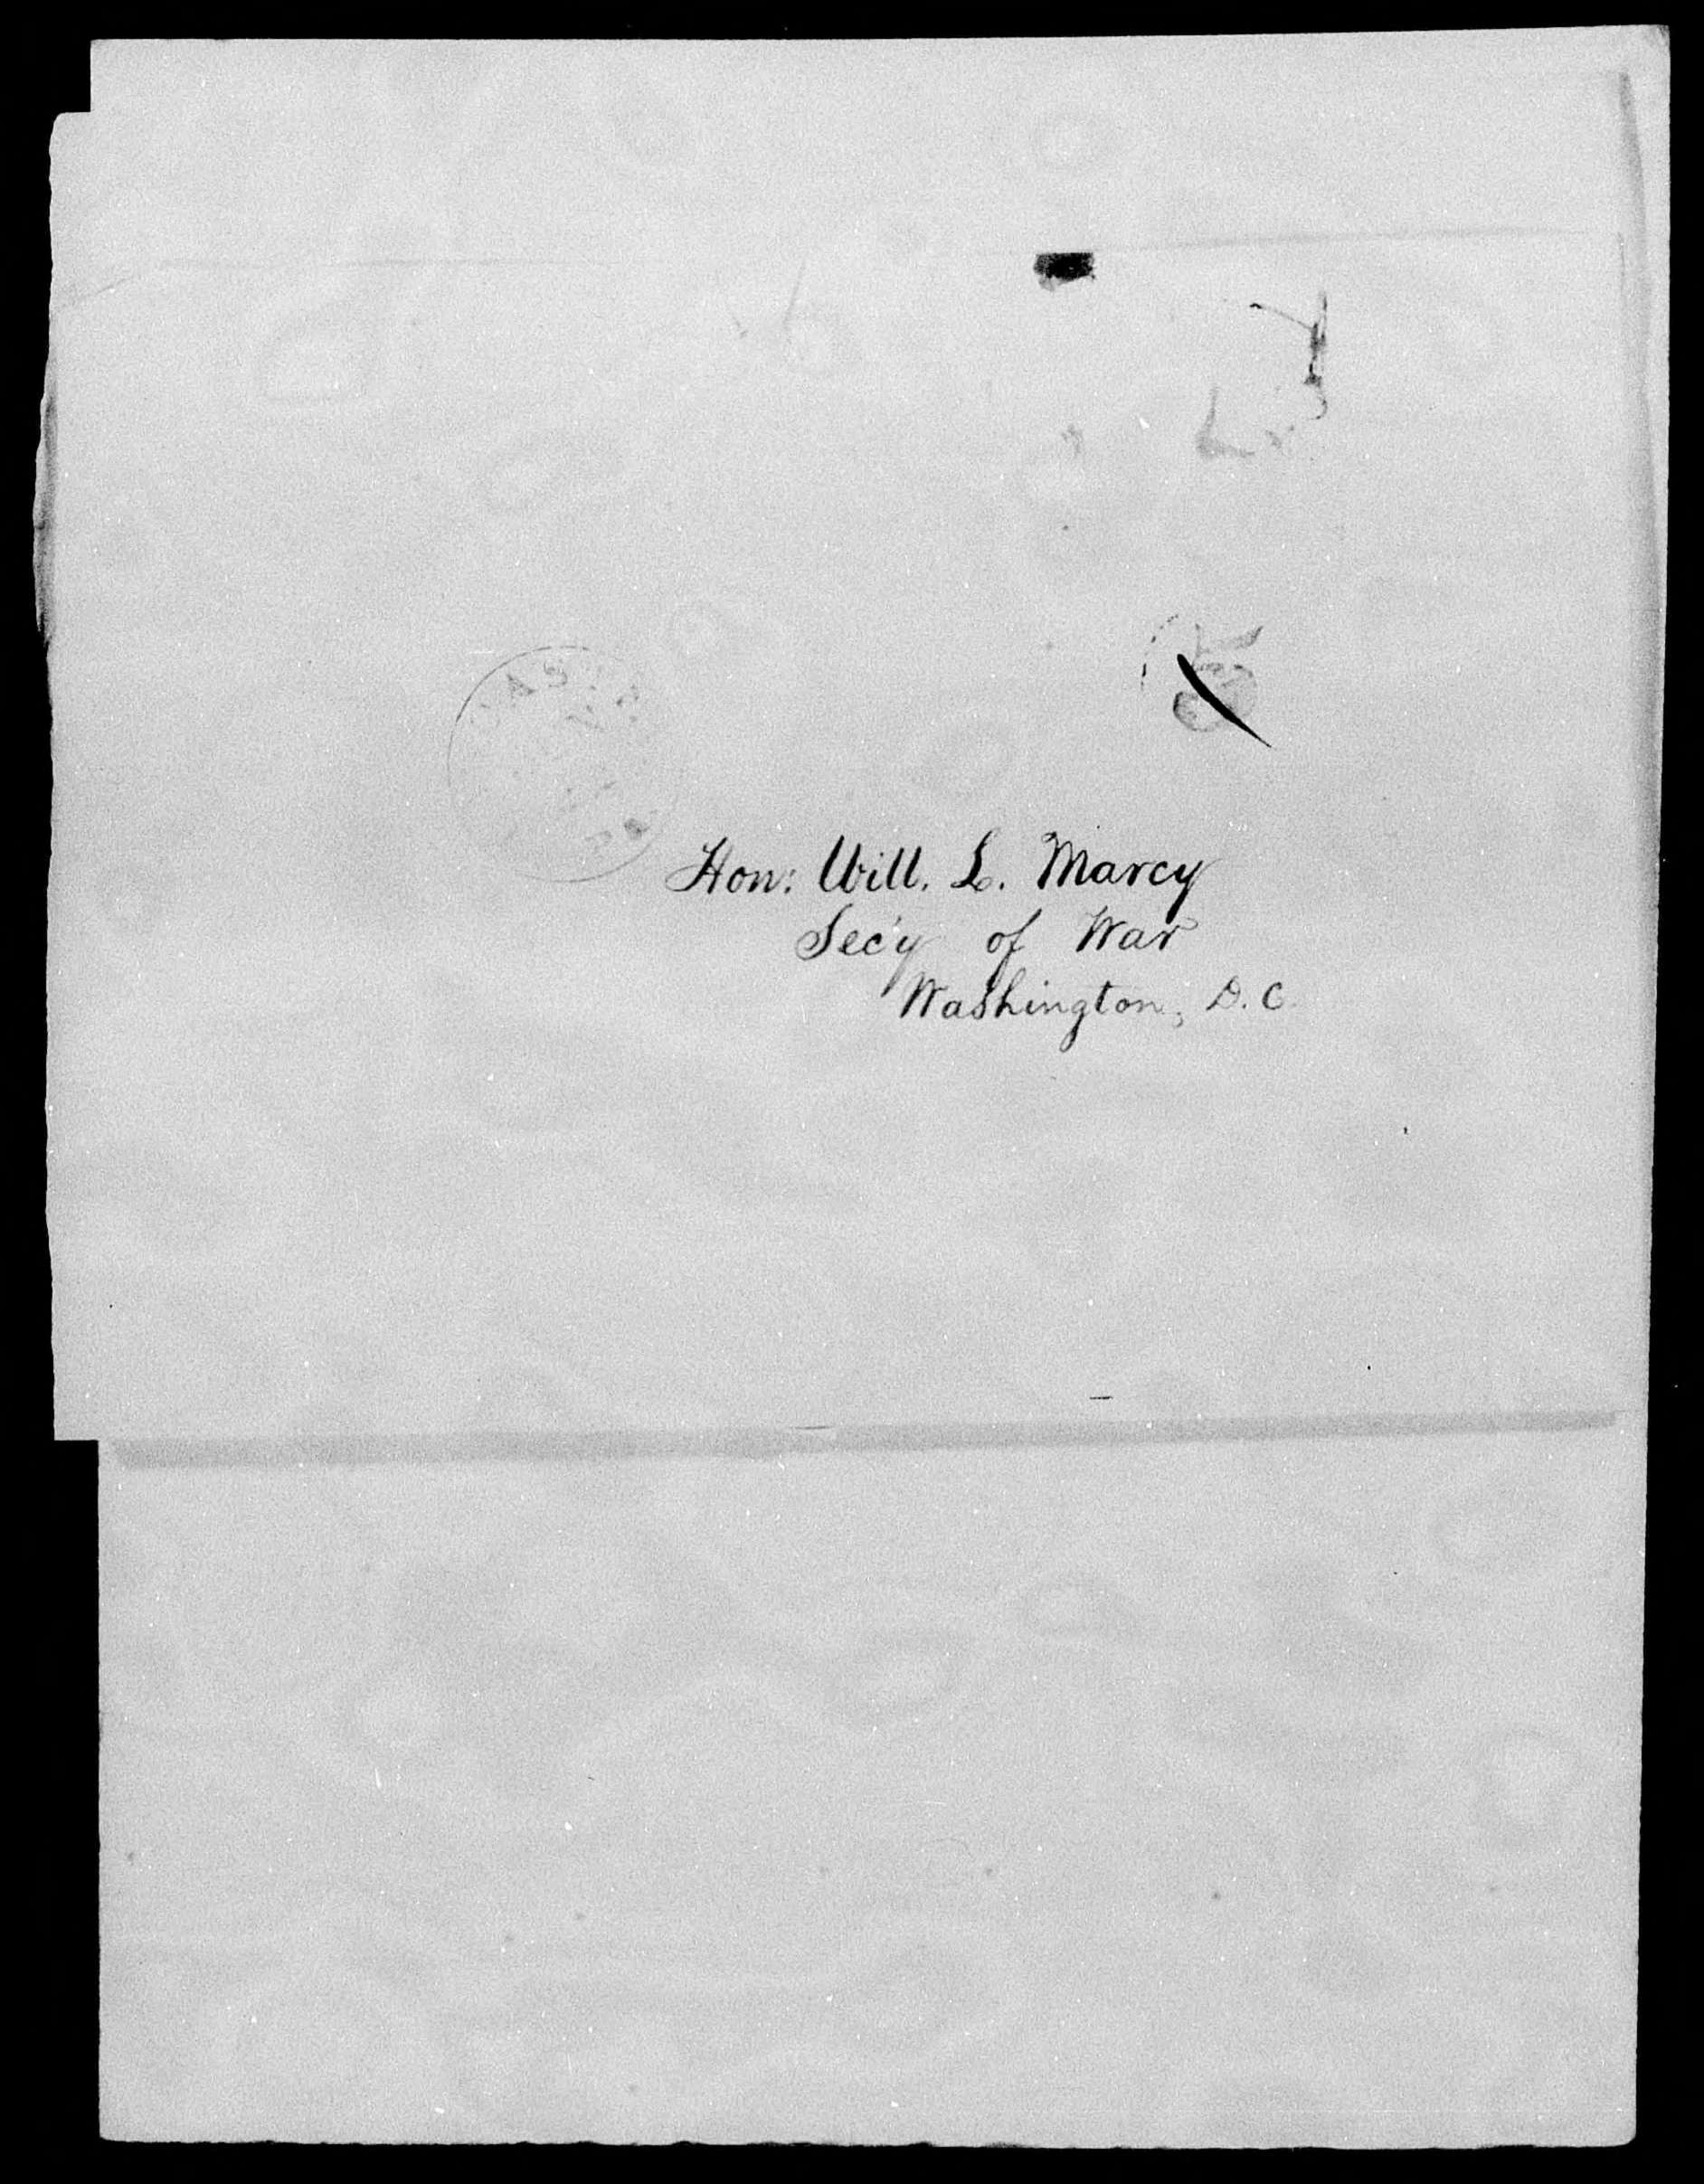Hon. Will. L. Marcy
Secretary of War
Washington, D.C.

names: Will L Marcy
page: 5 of 11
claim: survivor's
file: S. 41553, George Funk, Continental (German Regiment)